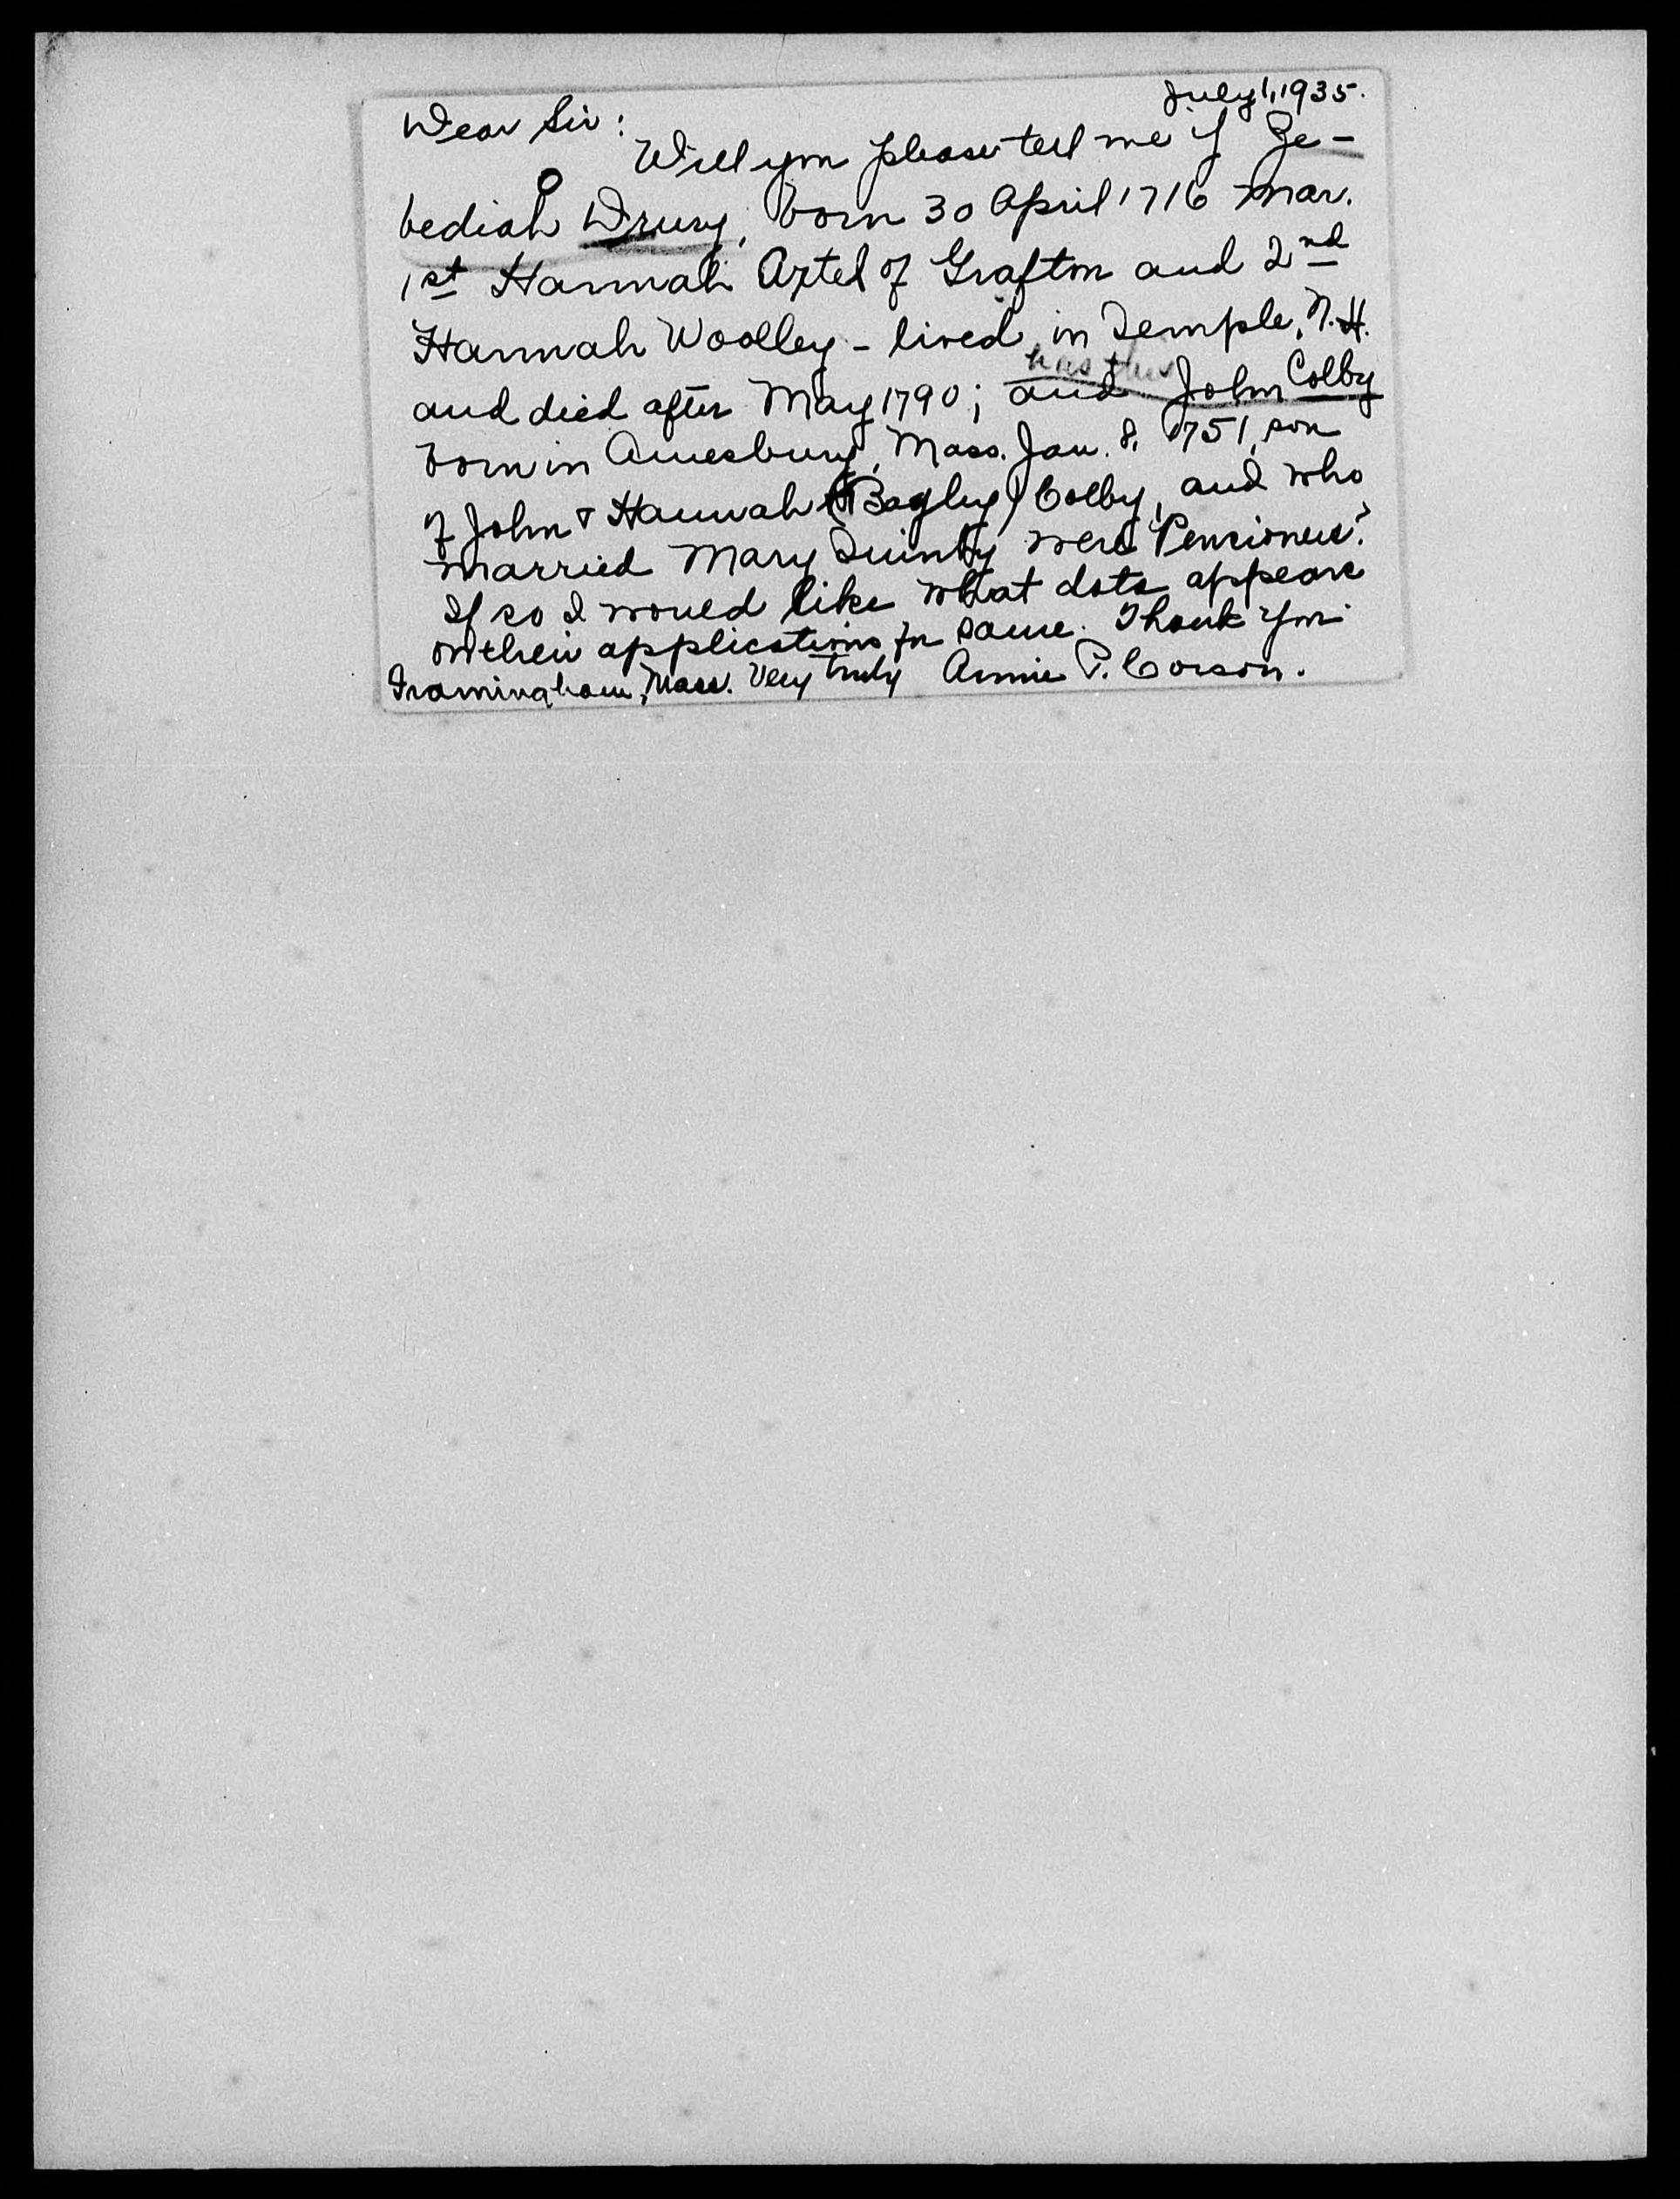July 1, 1935.

Dear Sir:

Will you please tell me if Jebediah Drury [underlined], born 30 April 1716 Mar. 1st Hannah Artel of Grafton and 2nd Hannah Wadley--lived in Temple, N.H. and died after May 1790; and John Colby ["has this" written by this and name underlined]  born in Amesbury, Mass.  Jan 8, 1751, son of John & Hannah (Bagley) Colby, ad who married Mary Quinby were Pensioned?   If so I would like what data appears on their applications for same.  Thank you
Very truly
Annie P. Corson.

Framingham, Mass.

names: John Colby; Hannah Woolley; John Bagley; Annie P Corson; John Colby; Hannah Colby; Zebediah Drury; Mary Quinby; Hannah Artel; Hannah Bagley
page: 25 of 38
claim: survivor's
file: S. 43181, for Ezekiel Stone, New Hampshire